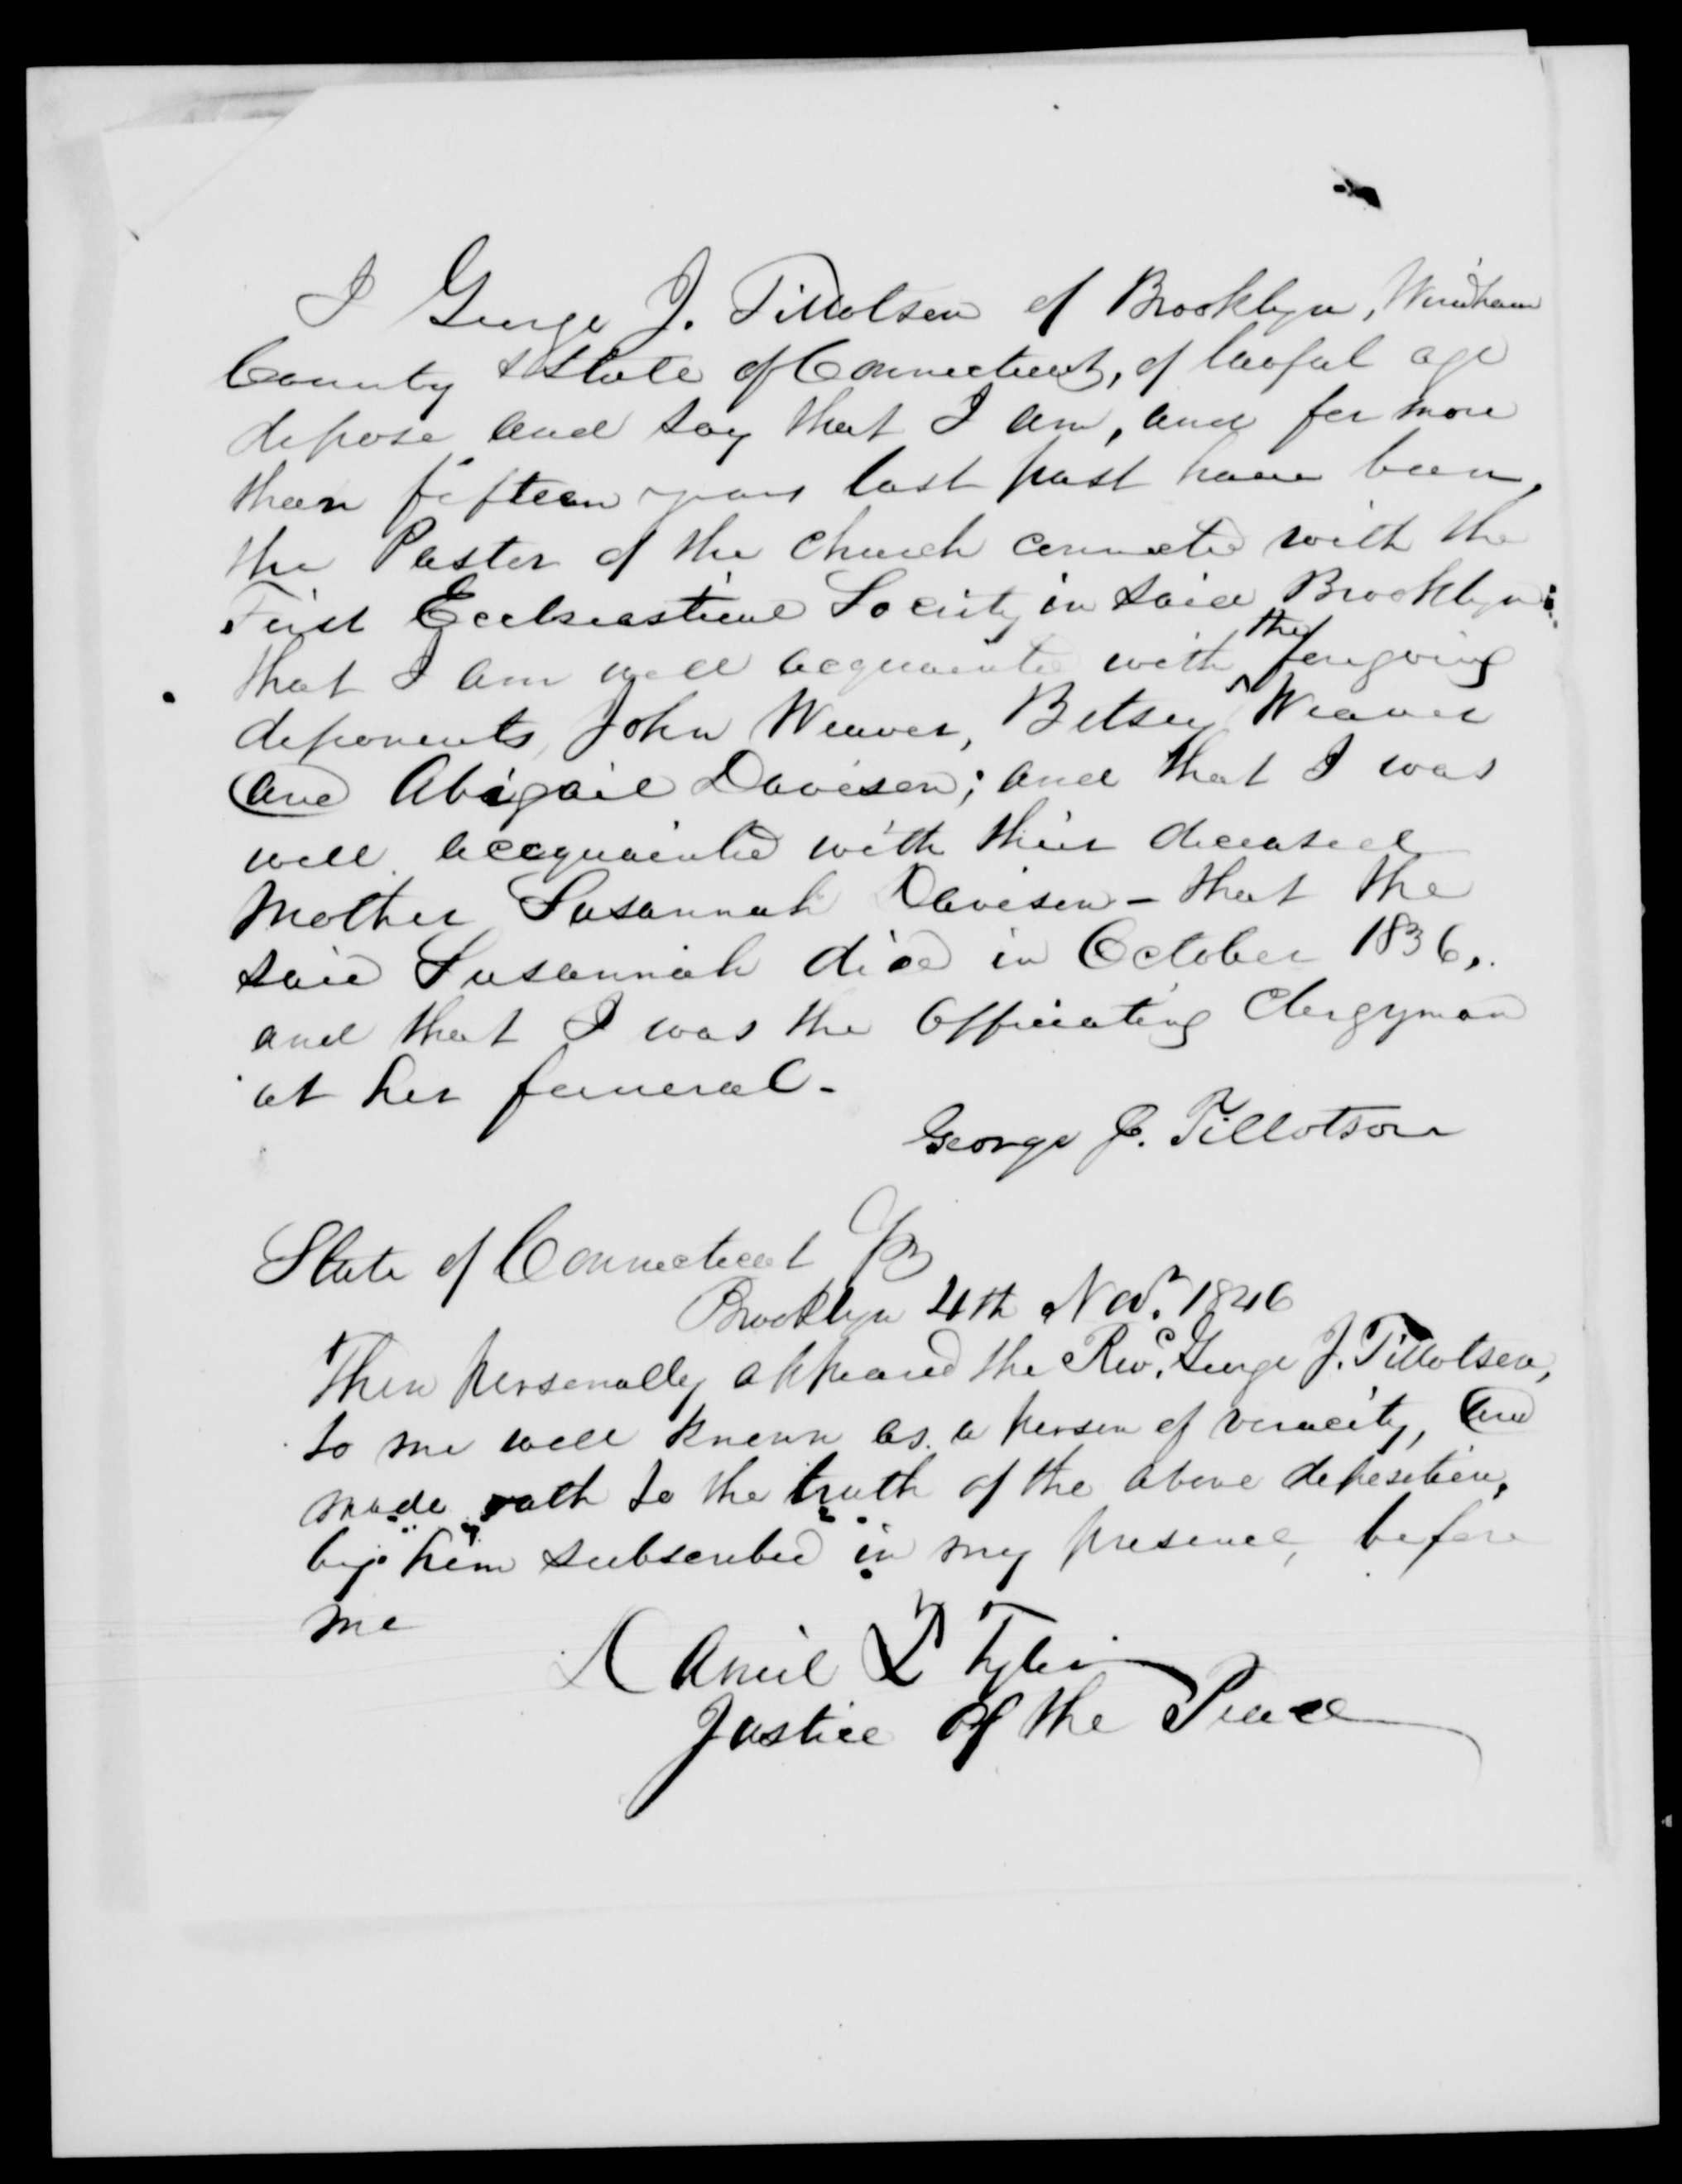I George J. Tillotson of Brooklyn, Windham County & State of Connecticut, of lawful age depose and say that I am, and for more than fifteen years last past have been the Paster of the Church ____ with the Full Ecclesiastes Society in said Brooklyn that I am well aquatinted with the for the foregoing depenents
[?dependents] John Weaver, Betsey Weaver and Abigail Davison; and that I was well acquainted with their deceased Mother Susannah Davison- that the said Susannah died in October 1836, and that I was the Officiating clergyman at her funeral.

George Tillotson

State of Connecticut __
Brooklyn 4th Nov 1846

Then personally appeared the Rev. George J Tillotson t me well known as a person of veracity, and made oath to the truth of the above deposition, by him subscribe in my presence before me

Daniel P Tyler
Justice of the Peace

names: Abigail Davison, George J Tillotson, Daniel P Tyler, John Weaver, Susannah Davison, Betsey Weaver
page: 8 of 53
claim: widow's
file: W 17707, Benjamin Weaver, R.I.